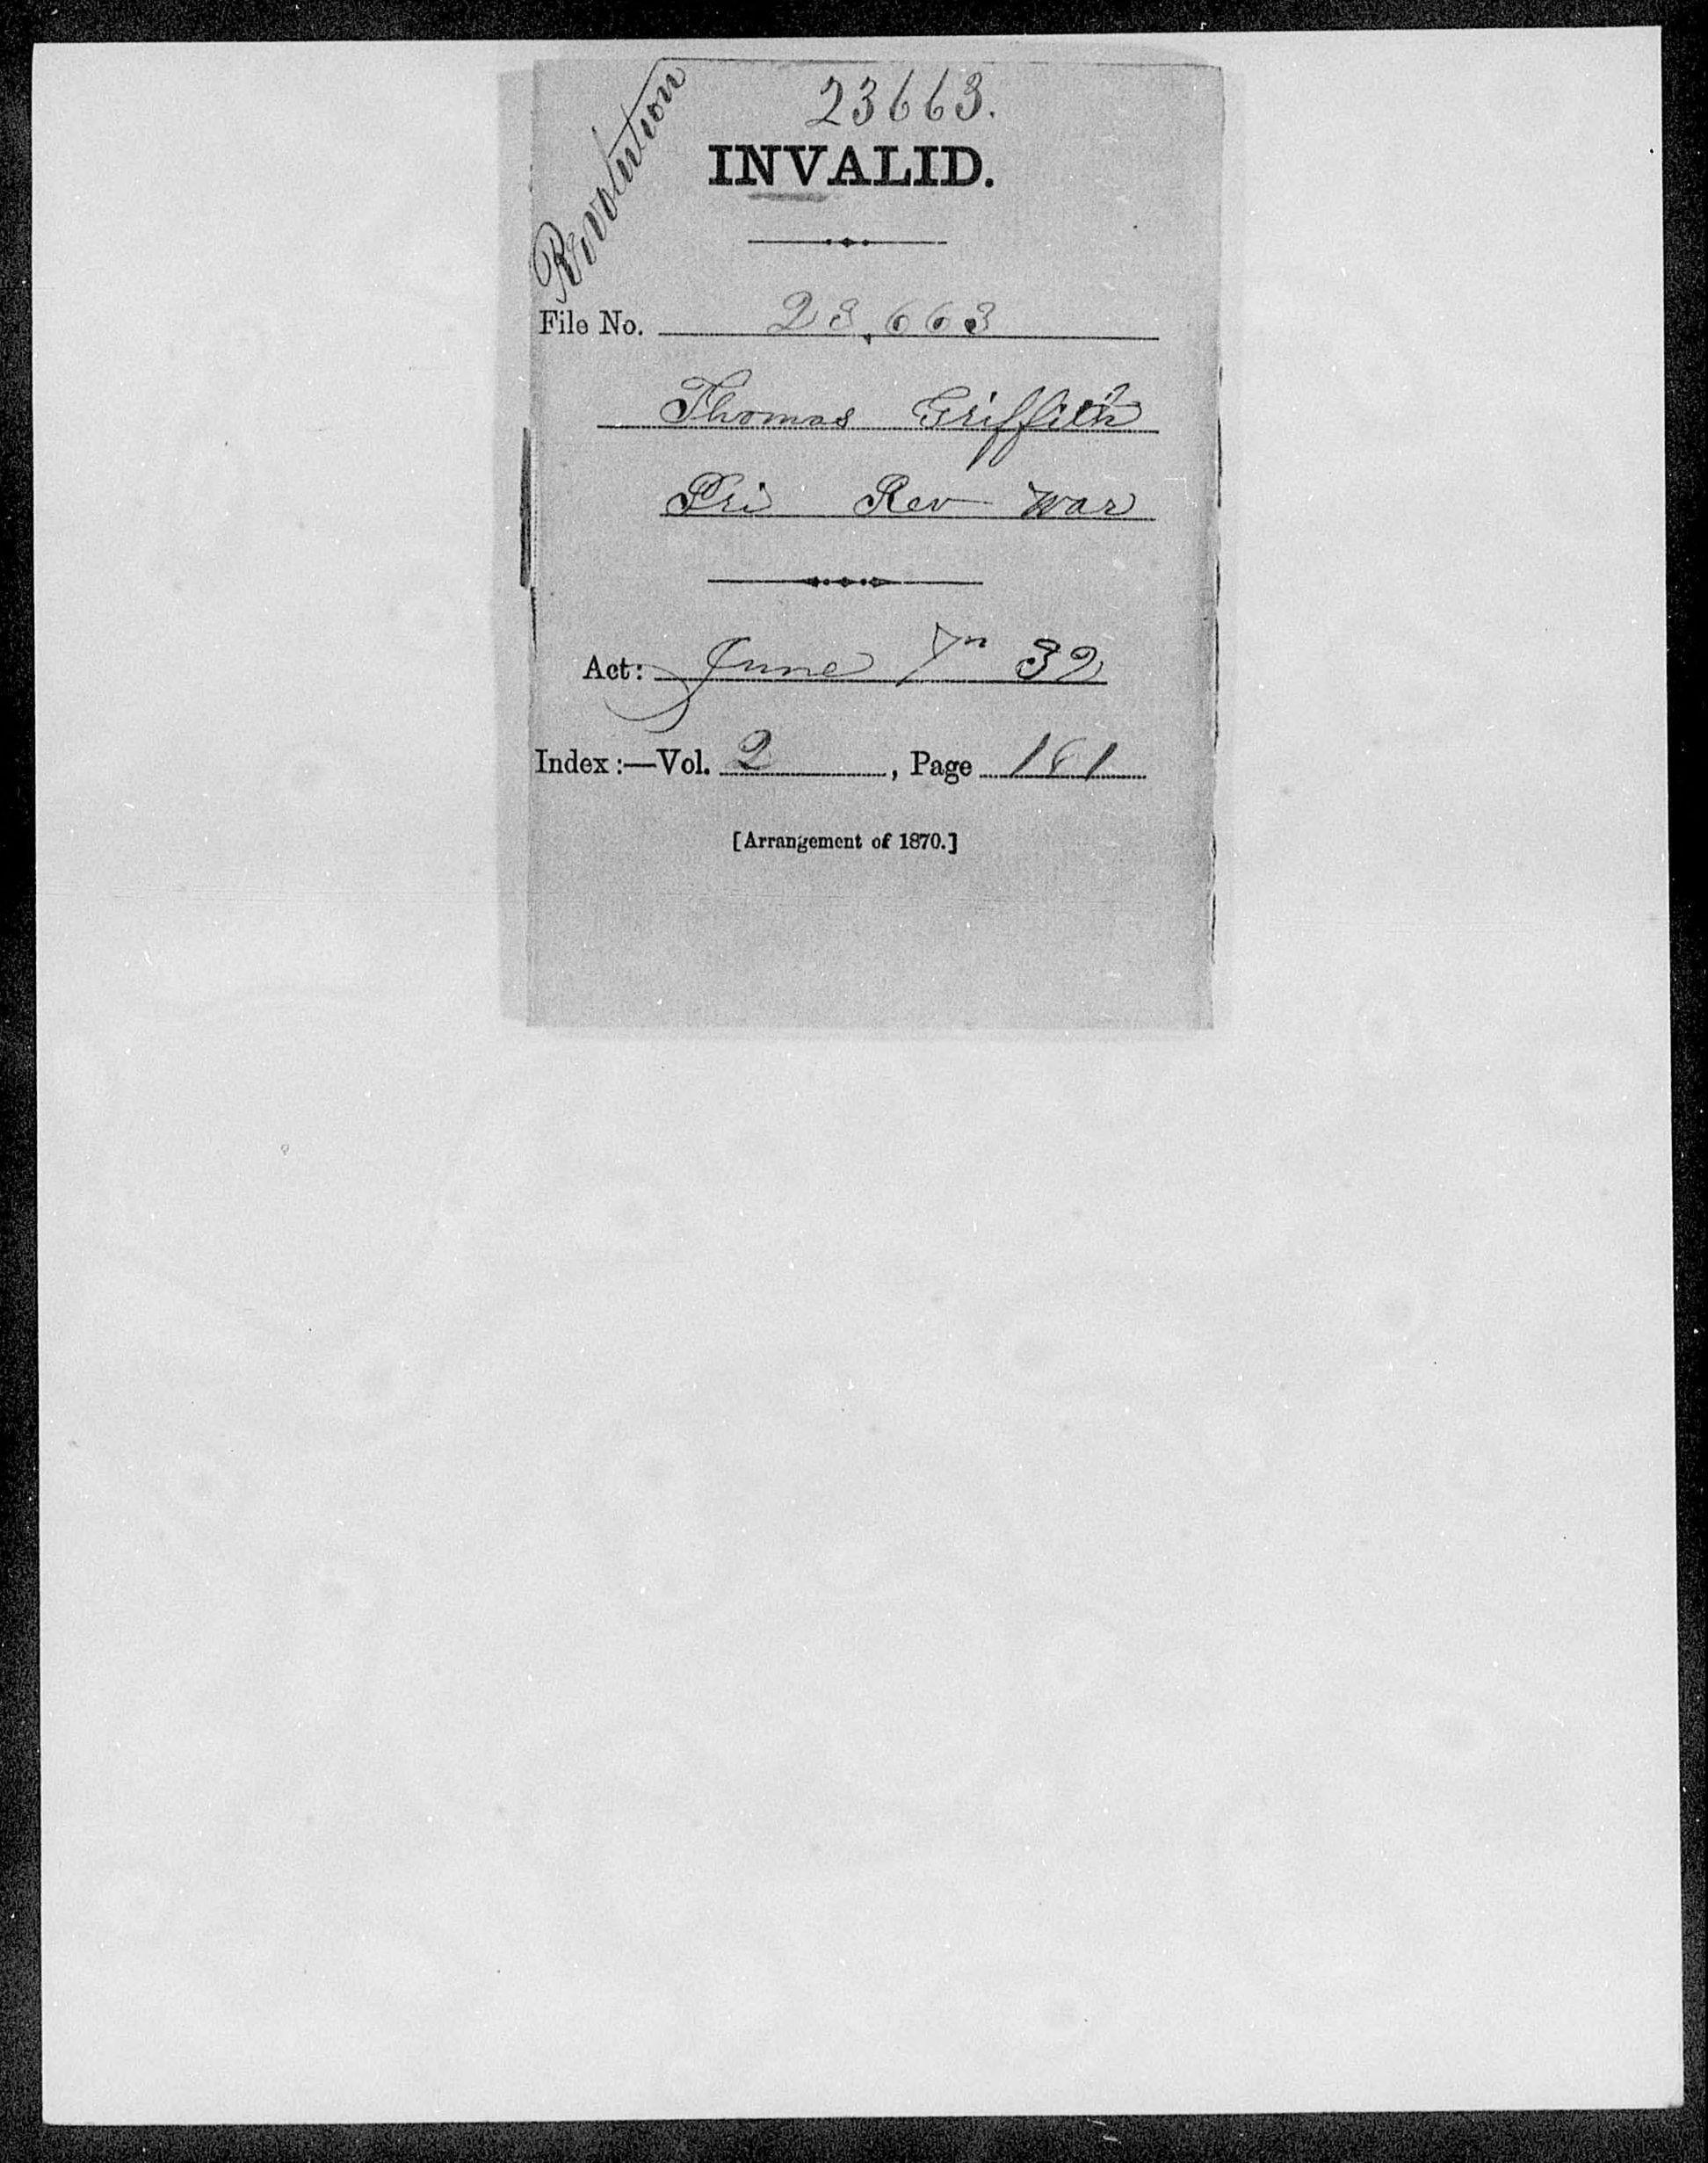23663.
Revolution INVALID.

File No.23663
Thomas Griffith
Pri Rev War

Act June 7 32
Index: - Vol. 2 Page 181
Arrangement of 1870.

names: Thomas Griffith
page: 13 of 14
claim: survivor's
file: S. 23663, Thomas Griffith, New York Vt.